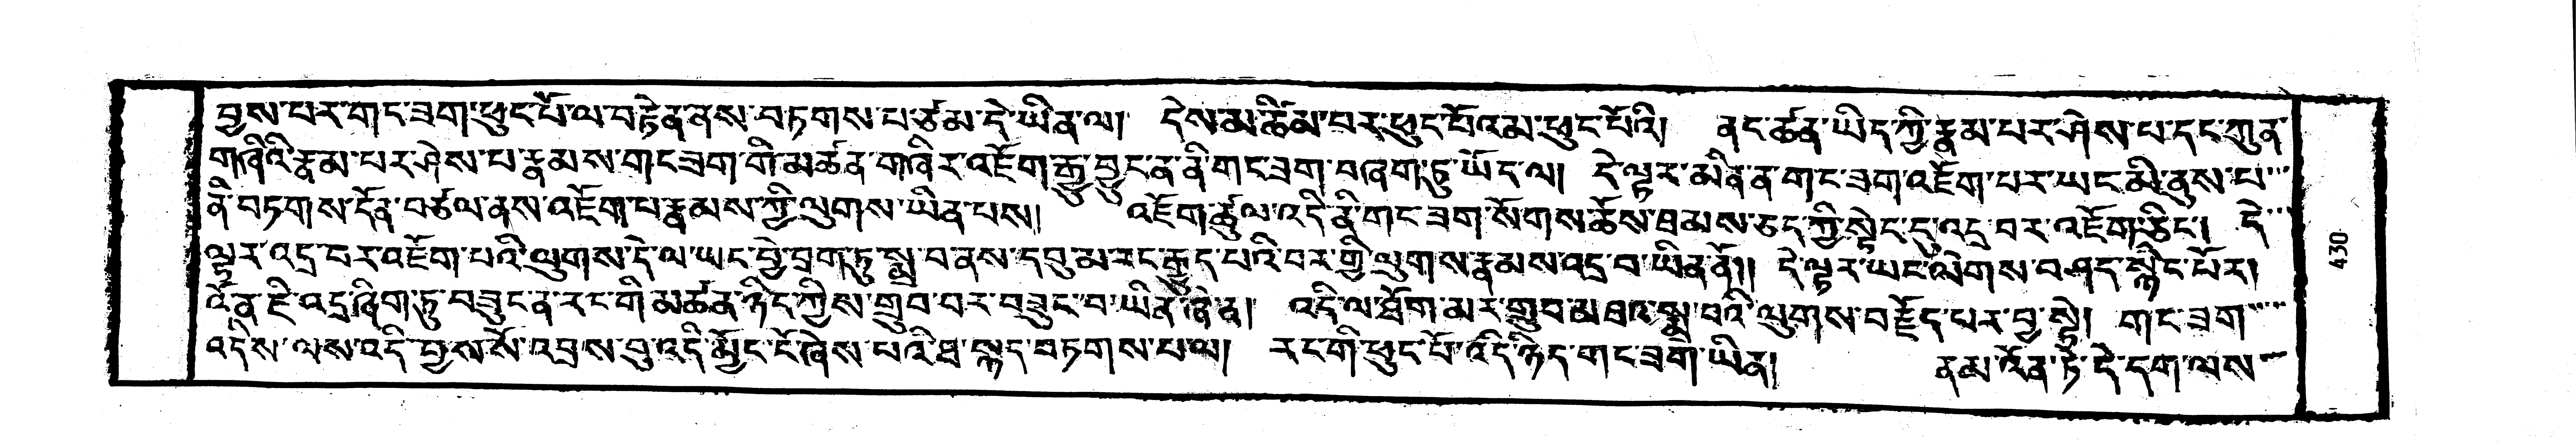བྱས་པར་གང་ཟག་ཕུང་པོ་ལ་བརྟེན་ནས་བཏགས་པ་ཙམ་དེ་ཡིན་ལ། དེས་མ་ཚིམ་པར་ཕུང་པོའམ་ཕུང་པོའི། ནང་ཚན་ཡིད་ཀྱི་རྣམ་པར་ཤེས་པ་དང་ཀུན་
གཞིའི་རྣམ་པར་ཤེས་པ་རྣམས་གང་ཟག་གི་མཚན་གཞིར་འཇོག་རྒྱུ་བྱུང་ན་ནི་གང་ཟག་བཞག་ཏུ་ཡོད་ལ། དེ་ལྟར་མིན་ན་གང་ཟག་འཇོག་པར་ཡང་མི་ནུས་པ་
ནི་བཏགས་དོན་བཙལ་ནས་འཇོག་པ་རྣམས་ཀྱི་ལུགས་ཡིན་པས། འཇོག་ཚུལ་འདི་ནི་གང་ཟག་སོགས་ཆོས་ཐམས་ཅད་ཀྱི་སྟེང་དུ་འདྲ་བར་འཇོག་ཅིང་། དེ་
ལྟར་འདྲ་བར་འཇོག་པའི་ལུགས་དེ་ལ་ཡང་བྱེ་བྲག་ཏུ་སྨྲ་བ་ནས་དབུ་མ་རང་རྒྱུད་པའི་བར་གྱི་ལུགས་རྣམས་འདྲ་བ་ཡིན་ནོ། །དེ་ལྟར་ཡང་ལེགས་བཤད་སྙིང་པོར།
འོ་ན་ཇི་འདྲ་ཞིག་ཏུ་བཟུང་ན་རང་གི་མཚན་ཉིད་ཀྱིས་གྲུབ་པར་བཟུང་བ་ཡིན་ཞེ་ན། འདི་ལ་ཐོག་མར་གྲུབ་མཐའ་སྨྲ་བའི་ལུགས་བརྗོད་པར་བྱ་སྟེ། གང་ཟག་
འདིས་ལས་འདི་བྱས་སོ་འབྲས་བུ་འདི་མྱོང་ངོ་ཞེས་པའི་ཐ་སྙད་བཏགས་པ་ལ། རང་གི་ཕུང་པོ་འདི་ཉིད་གང་ཟག་ཡིན། ནམ་འོན་ཏེ་དེ་དག་ལས་